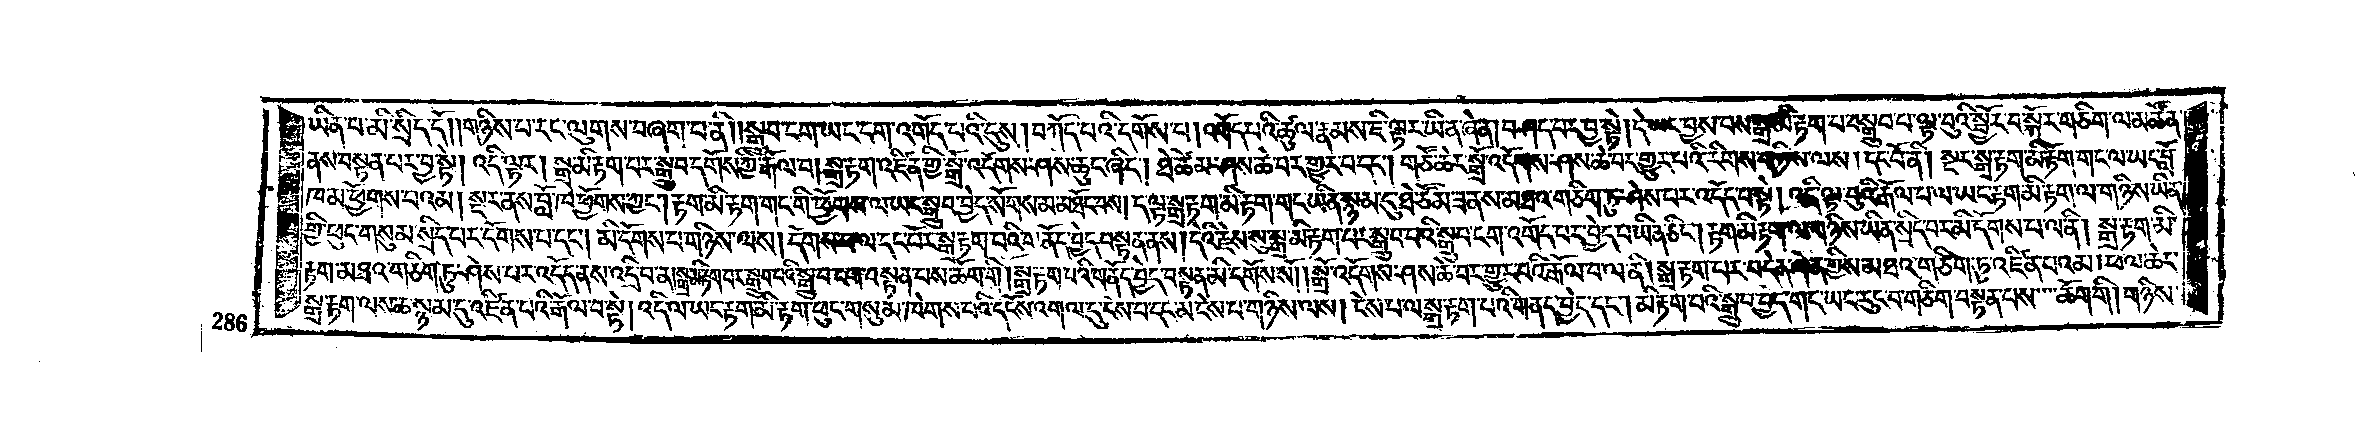ཡིན་པ་མི་སྲིད་དོ། །གཉིས་པ་རང་ལུགས་བཞག་པ་ནི། །སྒྲུབ་ངག་ཡང་དག་འགོད་པའི་དུས། བཀོད་པའི་དགོས་པ། འགོད་པའི་ཚུལ་རྣམས་ཇི་ལྟར་ཡིན་ཞེ་ན། བཤད་པར་བྱ་སྟེ། དེ་ཡང་བྱས་པས་སྒྲ་མི་རྟག་པ་བསྒྲུབ་པ་ལྟ་བུའི་སྦྱོར་བ་སྐོར་གཅིག་ལ་མཚོན་
ནས་བསྟན་པར་བྱ་སྟེ། འདི་ལྟར། སྒྲ་མི་རྟག་པར་སྒྲུབ་དགོས་ཀྱི་རྒོལ་བ། སྒྲ་རྟག་འཛིན་གྱི་སྒྲོ་འདོགས་ཤས་ཆུང་ཞིང་། ཐེ་ཚོམ་ཤས་ཆེ་བར་གྱུར་པ་དང་། གཙོ་ཆེར་སྒྲོ་འདོགས་ཤས་ཆེ་བར་གྱུར་པའི་རིགས་གཉིས་ལས། དང་པོ་ནི། སྔར་སྒྲ་རྟག་མི་རྟག་གང་ལ་ཡང་བློ་
ཁ་མ་ཕྱོགས་པའམ། སྔར་ནས་བློ་ཁ་ཕྱོགས་ཀྱང་། རྟག་མི་རྟག་གང་གི་ཕྱོགས་ལ་ཡང་སྒྲུབ་བྱེད་སོགས་མ་མཐོང་བས། ད་ལྟ་སྒྲ་རྟག་མི་རྟག་གང་ཡིན་སྙམ་དུ་ཐེ་ཚོམ་ཟ་ནས་མཐའ་གཅིག་ཏུ་ཤེས་པར་འདོད་པ་སྟེ། འདི་ལྟ་བུའི་རྒོལ་པ་ལ་ཡང་རྟག་མི་རྟག་ལ་གཉིས་ཡིན་
གྱི་ཕུང་གསུམ་སྲིད་པར་དོགས་པ་དང་། མི་དོགས་པ་གཉིས་ལས། དོགས་པ་ལ་དང་པོར་སྒྲ་རྟག་པའི་གནོད་བྱེད་བསྟན་ནས། དེའི་རྗེས་སུ་སྒྲ་མི་རྟག་པར་སྒྲུབ་པའི་སྒྲུབ་ངག་འགོད་པར་བྱེད་པ་ཡིན་ཅིང་། རྟག་མི་རྟག་ལ་གཉིས་ཡིན་སྲིད་བར་མི་དོགས་པ་ལ་ནི། སྒྲ་རྟག་མི་
རྟག་མཐའ་གཅིག་ཏུ་ཤེས་པར་འདོད་ནས་འདྲི་བ་ན། སྒྲ་མི་རྟག་པར་སྒྲུབ་པའི་སྒྲུབ་ངག་བསྟན་པས་ཆོག་གི། སྒྲ་རྟག་པའི་གནོད་བྱེད་བསྟན་མི་དགོས་སོ། །སྒྲོ་འདོགས་ཤས་ཆེ་བར་གྱུར་པའི་རྒོལ་བ་ལ་ནི། སྒྲ་རྟག་པར་བདེན་ཞེན་གྱིས་མཐའ་གཅིག་ཏུ་འཛིན་པའམ། ཕལ་ཆེར་
སྒྲ་རྟག་ལས་ཆ་སྙམ་དུ་འཛིན་པའི་རྒོལ་བ་སྟེ། འདི་ལ་ཡང་རྟག་མི་རྟག་ཕུང་གསུམ་ཁེགས་པའི་དངོས་འགལ་དུ་ངེས་པ་དང་མ་ངེས་པ་གཉིས་ལས། ངེས་པ་ལ་སྒྲ་རྟག་པའི་གནོད་བྱེད་དང་། མི་རྟག་པའི་སྒྲུབ་བྱེད་གང་ཡང་རུང་བ་གཅིག་བསྟན་པས་ཆོག་གི། གཉིས་